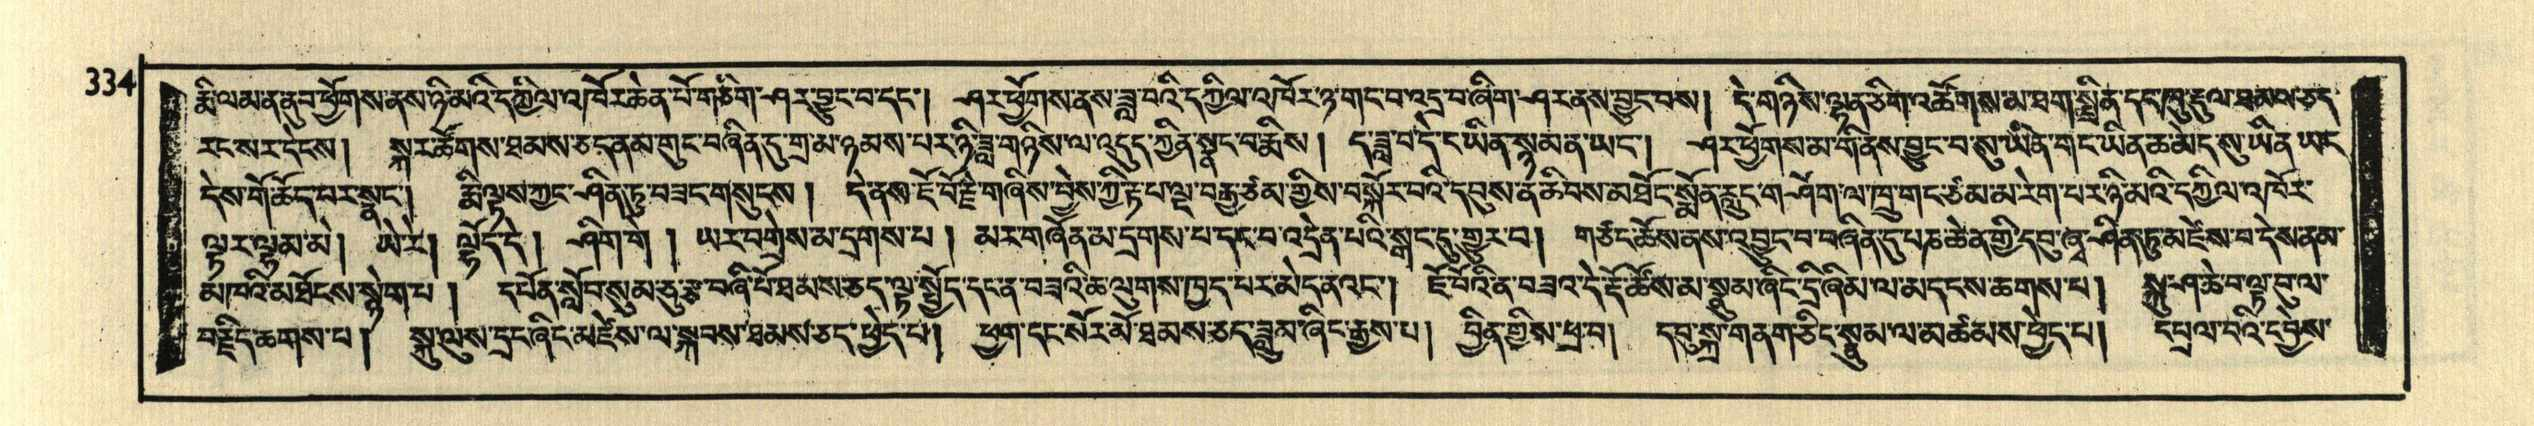རྨི་ལམ་ན་ནུབ་ཕྱོགས་ནས་ཉི་མའི་དཀྱིལ་འཁོར་ཆེན་པོ་གཅིག་ཤར་བྱུང་བ་དང་། ཤར་ཕྱོགས་ནས་ཟླ་བའི་དཀྱིལ་འཁོར་ཉ་གང་བ་འདྲ་བ་ཞིག་ཤར་ནས་བྱུང་བས། དེ་གཉིས་ལྷན་ཅིག་འཚོགས་མ་ཐག་སྤྲིན་དང་ཁུ་རྡུལ་ཐམས་ཅད་
རང་སར་དེངས། སྐར་ཚོགས་ཐམས་ཅད་ནམ་གུང་བཞིན་དུ་གྲ་མ་ཉམས་པར་ཉི་ཟླ་གཉིས་ལ་འདུད་ཀྱིན་སྣང་བ་རྨིས། ད་ཟླ་བ་དེ་ང་ཡིན་སྙམ་ན་ཡང་། ཤར་ཕྱོགས་མ་གི་ནས་བྱུང་བ་སུ་ཡིན་གང་ཡིན་ཆ་མེད་སུ་ཡིན་ཡང་
དེས་གོ་ཆོད་པར་སྣང་། རྨི་ལྟས་ཀྱང་ཤིན་ཏུ་བཟང་གསུངས། དེ་ནས་ཇོ་བོ་རྗེ་གཞིས་བྱེས་ཀྱི་རྟ་པ་ལྔ་བརྒྱ་ཙམ་གྱིས་བསྐོར་བའི་དབུས་ན་ཆིབས་མཐོང་སྨོན་རླུང་གཤོག་ལ་ཁྲུ་གང་ཙམ་མ་རེག་པར་ཉི་མའི་དཀྱིལ་འཁོར་
ལྟར་ལྷམ་མེ། ཡེ་རེ། ལྷོད་དེ། ཤིག་གེ། ཡར་བགྲེས་མ་དྲགས་པ། མར་གཞོན་མ་དྲགས་པ་དང་བ་འདྲེན་པའི་སྒང་དུ་གྱུར་བ། གཙང་ཆོས་ནས་འབྱུང་བ་བཞིན་དུ་པཎ་ཆེན་གྱི་དབུ་ཞྭ་ཤིན་ཏུ་མཛེས་པ་དེས་ནམ་
མཁའི་མཐོངས་སྙེག་པ། དཔོན་སློབ་སུམ་ཅུ་རྩ་བཞི་པོ་ཐམས་ཅད་ལྟ་སྤྱོད་དང་ན་བཟའི་ཆ་ལུགས་ཁྱད་པར་མེད་ནའང་། ཇོ་བོའི་ན་བཟའ་དེ་རྡོ་ཚོས་མ་སྣུམ་ཞིང་དྲི་ཞིམ་ལ་མདངས་ཆགས་པ། སྐུ་ཤ་ཆེ་བ་ལྟ་བུ་ལ་
བརྗིད་ཆགས་པ། སྐུ་ལུས་དྲང་ཞིང་མཛེས་ལ་སྐབས་ཐམས་ཅད་ཕྱེད་པ། ཕྱག་དང་སོར་མོ་ཐམས་ཅད་ཟླུམ་ཞིང་རྒྱས་པ། བྱིན་གྱིས་ཕྲ་བ། དབུ་སྐྲ་གང་ཅིང་སྣུམ་ལ་མཚམས་ཕྱེད་པ། དཔྲལ་བའི་དབྱེས་